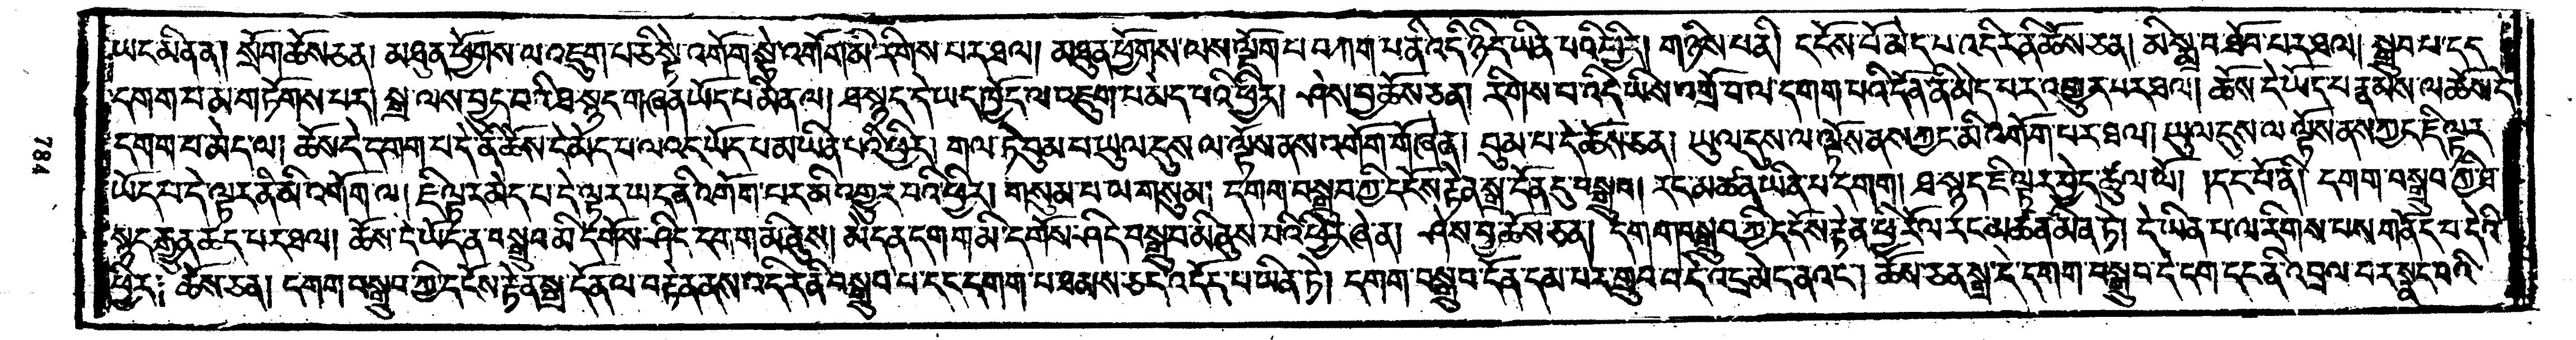ཡང་མིན་ན། སྲོག་ཆོས་ཅན། མཐུན་ཕྱོགས་ལ་འཇུག་པ་ཅི་སྟེ་འགོག་སྟེ་འགོག་མི་རིགས་པར་ཐལ། མཐུན་ཕྱོགས་ལས་ལྡོག་པ་བཀག་པ་ནི་འདི་ཉིད་ཡིན་པའི་ཕྱིར། གཉིས་པ་ནི། དངོས་པོ་མེད་པ་འདིར་ནི་ཆོས་ཅན། མི་སྨྲ་བ་ཐོབ་པར་ཐལ། སྒྲུབ་པ་དད་
དགག་པ་མ་གཏོགས་པར། སྒྲ་ལས་བྱུད་བའི་ཐ་སྙད་གཞན་ཡོད་པ་མིན་ལ། ཐ་སྙད་དེ་ཡང་ཁྱོད་ལ་འཇུག་པ་མེད་པའི་ཕྱིར། ཤེས་བྱ་ཆོས་ཅན། རིགས་བ་འདི་ཡིས་འགྲོ་བ་ལ་དགག་པའི་དོན་ནི་མེད་པར་འགྱུར་པར་ཐལ། ཆོས་དེ་ཡོད་པ་རྣམས་ལ་ཆོས་དེ་
དགག་པ་མེད་ལ། ཆོས་དེ་དགག་པ་དེ་ནི་ཆོས་དེ་མེད་པ་ལའང་ཡོད་པ་མ་ཡིན་པའི་ཕྱིར། གླ་ཏེ་བུམ་པ་ཡུལ་དུས་ལ་ལྟོས་ནས་འགོག་གོ་ཞེ་ན། བུམ་པ་དེ་ཆོས་ཅན། ཡུལ་དུས་ལ་ལྟོས་ནས་ཀྱང་མི་འགོག་པར་ཐལ། ཡུལ་དུས་ལ་ལྟོས་ནས་ཀྱང་ཇི་ལྟར་
ཡོད་པ་དེ་ལྟར་ནི་མི་འགོག་ལ། ཇི་ལྟར་མེད་པ་དེ་ལྟར་ཡང་ནི་འགོག་པར་མི་འགྱུར་བའི་ཕྱིར། གསུམ་པ་ལ་གསུམ། དགག་བསྒྲུབ་ཀྱི་དངོས་རྟེན་སྒྲ་དོན་དུ་བསྒྲུབ། རང་མཚན་ཡིན་པ་དགག། ཐ་སྙད་ཇི་ལྟར་བྱེད་ཚུལ་ལོ། །དང་པོ་ནི། དགག་བསྒྲུབ་ཀྱི་ཐ་
སྙད་རྒྱུན་ཆད་པར་ཐལ། ཆོས་དེ་ཡོད་ན་བསྒྲུབ་མི་དགོས་ཤིད་དགག་མི་ནུས། མེད་ན་དགག་མི་དགོས་ཤིད་བསྒྲུབ་མི་ནུས་པའི་ཕྱིར་ཞེ་ན། ཤེས་བྱ་ཆོས་ཅན། དགག་བསྒྲུབ་ཀྱི་དངོས་རྟེན་ཕྱི་རོལ་རང་མཚན་མིན་ཏེ། དེ་ཡིན་པ་ལ་རིགས་པས་གནོད་པ་དེའི་
ཕྱིར༑ ཆོས་ཅན། དགག་བསྒྲུབ་ཀྱི་དངོས་རྟེན་སྒྲ་དོན་ལ་བརྟེན་ནས་འདིར་ནི་བསྒྲུབ་པ་དད་དགག་པ་ཐམས་ཅད་འདོད་པ་ཡིན་ཏེ། དགག་བསྒྲུབ་དོན་དམ་པར་གྲུབ་བདེ་འདྲ་མེད་ནའང་། ཆོས་ཅན་སྒྲ་དེ་དགག་བསྒྲུབ་དེ་དག་དང་ནི་འབྲལ་བར་སྣང་བའི་